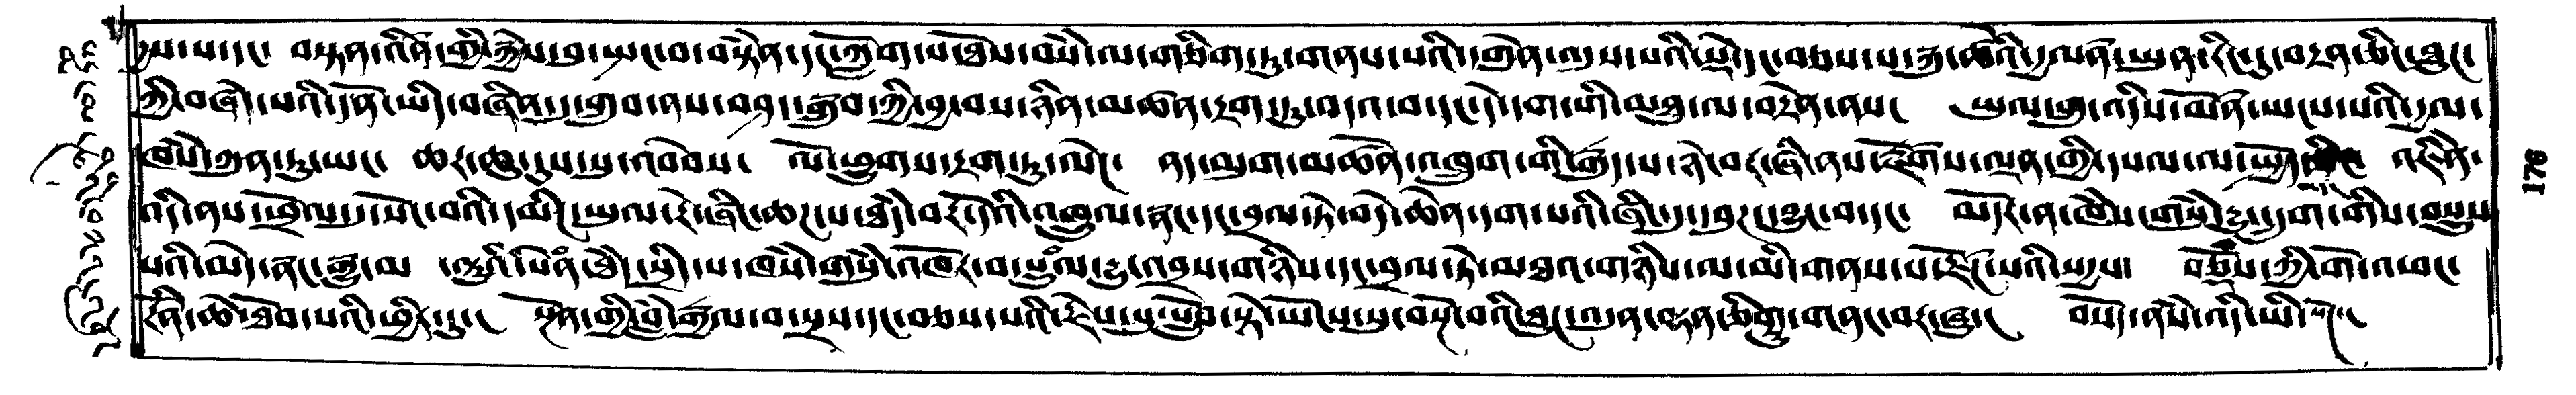རྒྱས་པ་དང་། བསྟན་འཛིན་གྱི་སྐྱེས་བུ་སྤོང་བ་བསམ་གཏན་དང་ཀློག་པ་ཐོས་བསམ་ལ་གཅིག་ཏུ་གནས་པའི་དགེ་འདུན་འདུས་པའི་སྡེ་དང་བཅས་པ་སྐུ་ཚེའི་རྒྱལ་མཚན་ཡུན་རིང་དུ་བརྟན་ཅིང་ཐུགས་
ཀྱི་བཞེད་པའི་དོན་ཡིད་བཞིན་དུ་འགྲུབ་ནས་བཤད་སྒྲུབ་ཀྱི་བྱ་བས་ཉིན་མཚན་རྟག་ཏུ་འདའ་བ་དང་། དེ་དག་གི་མཐུ་ལ་བརྟེན་ནས་ཡུལ་གྲུ་འདིས་མཚོན་ཡངས་པའི་རྒྱལ་
ཁམས་ཀུན་ཏུ་ཡང་། ཆར་ཆུ་དུས་སུ་འབེབས། ལོ་ཕྱུགས་རྟག་ཏུ་ལེགས། ནད་མུག་མཚོན་འཁྲུག་གི་རྒུད་པ་ཉེ་བར་ཞི་ནས་རྫོགས་ལྡན་གྱི་དཔལ་ལ་སྤྱོད་པ་དང་། འཇིག་རྟེན་
འདི་ནས་ཕ་རོལ་དུ་སོང་བའི་དམིགས་ཡུལ་རེ་ཞིང་ཆགས་པ་ཐམས་ཅད་བར་དོའི་འཁྲུལ་སྣང་དང་བྲལ་ཏེ་བདེ་ཆེན་དག་པའི་ཞིང་དུ་དབུགས་དབྱུང་བ་དང་། མདོར་ན་ཁམས་གསུམ་རྒྱུད་དྲུག་གིས་བསྡུས་
པའི་མེད་སྣང་སྒྱུ་མ་ལྟ་བུའི་སེམས་ཅན་ཐམས་ཅད་སྲིད་པ་ཁམས་གསུམ་འཁོར་བ་སྡུག་བསྔལ་རྒྱུ་འབྲས་གཉིས་དང་བྲལ་ཏེ་མཐའ་གཉིས་ལ་མི་གནས་པ་རྫོགས་པའི་སངས་རྒྱས་བཅོམ་ལྡན་འདས་ཀྱི་གོ་འཕང་
རིན་པོ་ཆེ་འཐོབ་པའི་ཕྱིར་དུ། སྔོན་གྱི་བླ་མ་རྒྱལ་བ་སྲས་དང་བཅས་པའི་རྗེས་སུ་སློབ་སྟེ་ཡོངས་སུ་བསྔོ་བའི་ཐུགས་འདུན་ལྷན་ཅིག་ཏུ་གནང་བར་ཞུ། བསོད་ནམས་འདི་ཡི་སོགས།